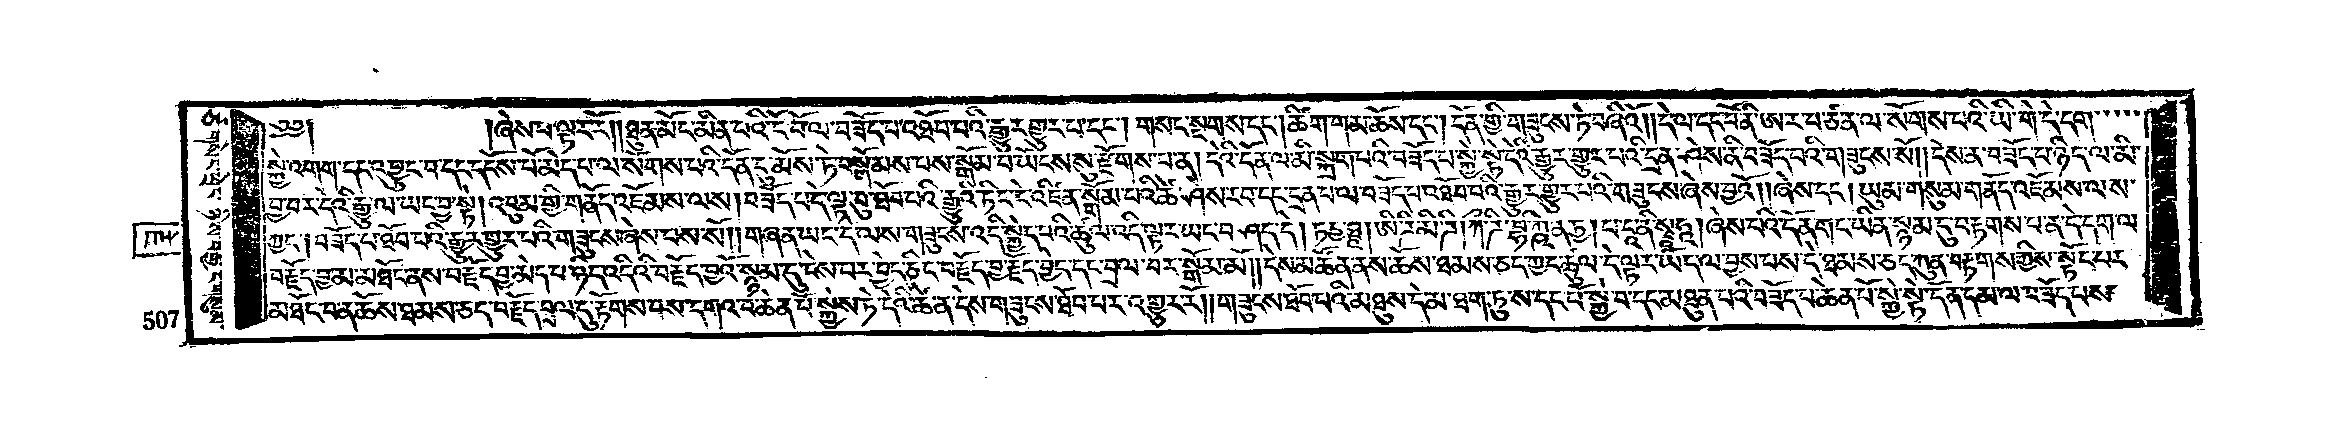༄༅། །ཞེས་པ་ལྟར་རོ། །ཐུན་མོང་མིན་པའི་ངོ་བོ་ལ་བཟོད་པ་འཐོབ་པའི་རྒྱུར་གྱུར་པ་དང་། གསང་སྔགས་དང་། ཚིག་གམ་ཆོས་དང་། དོན་གྱི་གཟུངས་ཏེ་བཞིའོ། །དེ་ལ་དང་པོ་ནི་ཨ་ར་པ་ཙ་ན་ལ་སོགས་པའི་ཡི་གེ་དེ་དག་
སྐྱེ་འགག་དང་འབྱུང་བ་དང་དངོས་པོ་མེད་པ་ལ་སོགས་པའི་དོན་དུ་མོས་ཏེ་བསྒོམས་པས་སྒོམ་པ་ཡོངས་སུ་རྫོགས་པ་ན། དེའི་དོན་ལ་མི་སྐྲག་པའི་བཟོད་པ་སྐྱེ་སྟེ་དེའི་རྒྱུར་གྱུར་པའི་དྲན་ཤེས་ནི་བཟོད་པའི་གཟུངས་སོ། །དེས་ན་བཟོད་པ་ཉིད་ལ་མི་
བྱ་བར་དེའི་རྒྱུ་ལ་ཡང་བྱ་སྟེ། འབུམ་གྱི་གནོད་འཇོམས་ལས། བཟོད་པ་དེ་ལྟ་བུ་ཐོབ་པའི་རྒྱུའི་ཏིང་ངེ་འཛིན་སྒོམ་པའི་ཚེ་ཤེས་རབ་དང་དྲན་པ་ལ་བཟོད་པ་འཐོབ་པའི་རྒྱུར་གྱུར་པའི་གཟུངས་ཞེས་བྱའོ། །ཞེས་དང་། ཡུམ་གསུམ་གནོད་འཇོམས་ལས་
ཀྱང༑ བཟོད་པ་ཐོབ་པའི་རྒྱུར་གྱུར་པའི་གཟུངས་ཞེས་པས་སོ། །གཞན་ཡང་དེ་ལས་གཟུངས་འདི་སྐྱེད་པའི་ཚུལ་འདི་ལྟར་ཡང་བཤད་དེ། ཏདྱ་ཐཱ། ཨི་ཌི་མི་ཌི། ཀྀ་ཌི་བྷ་ཀྵི་ན་ཏྱ། པ་དཱ་ནི་སྭཱཧཱ། ཞེས་པའི་དོན་གང་ཡིན་སྙམ་དུ་བརྟགས་པ་ན་དེ་དག་ལ་
བརྗོད་བྱ་མ་མཐོང་ནས་བརྗོད་བྱ་མེད་པ་ཉིད་འདིའི་བརྗོད་བྱའོ་སྙམ་དུ་ངེས་པར་བྱེད་ཅིང་བརྗོད་བྱ་རྗོད་བྱེད་དང་བྲལ་བར་སྒོམ་མོ། །དེས་མཚོན་ནས་ཆོས་ཐམས་ཅད་ཀྱང་ཚུལ་དེ་ལྟར་ཡིད་ལ་བྱས་པས་དེ་ཐམས་ཅད་ཀུན་བརྟགས་ཀྱིས་སྟོང་པར་
མཐོང་བ་ན་ཆོས་ཐམས་ཅད་བརྗོད་བྲལ་དུ་རྟོགས་པས་དགའ་བ་ཆེན་པོ་སྐྱེས་ཏེ་དེའི་ཚེ་ན་དེས་གཟུངས་ཐོབ་པར་འགྱུར་རོ། །གཟུངས་ཐོབ་པའི་མཐུས་དེ་མ་ཐག་ཏུ་ས་དང་པོ་སྐྱེ་བ་དང་མཐུན་པའི་བཟོད་པ་ཆེན་པོ་སྐྱེ་སྟེ་དོན་དམ་ལ་བཟོད་པས་